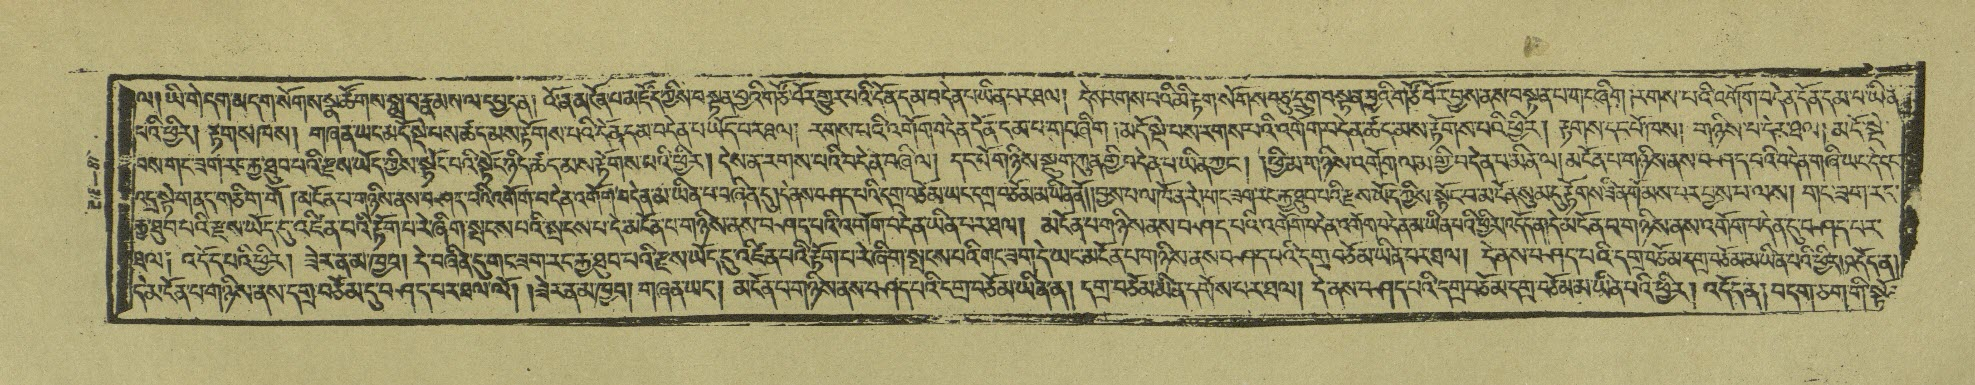ལ། ཡི་གེ་དག་མ་དག་སོགས་སྣ་ཚོགས་སྨྲ་བ་རྣམས་ལ་དཔྱད་ན། འོ་ན་མངོན་པ་མཛོད་ཀྱིས་བསྟན་བྱའི་གཙོ་བོར་གྱུར་བའི་དོན་དམ་བདེན་པ་ཡིན་པར་ཐལ། དེས་རགས་པའི་མི་རྟག་སོགས་བཅུ་དྲུག་བསྟན་བྱའི་གཙོ་བོར་བྱས་ནས་བསྟན་པ་གང་ཞིག །རགས་པའི་འགོག་བདེན་དོན་དམ་པ་ཡིན་
པའི་ཕྱིར། རྟགས་ཁས། གཞན་ཡང་མདོ་སྡེ་པས་ཚད་མས་རྟོགས་པའི་དོན་དམ་བདེན་པ་ཡོད་པར་ཐལ། རགས་པའི་འགོག་བདེན་དོན་དམ་པ་གང་ཞིག །མདོ་སྡེ་པས་རགས་པའི་འགོག་བདེན་ཚད་མས་རྟོགས་པའི་ཕྱིར། རྟགས་དང་པོ་ཁས། གཉིས་བ་དེར་ཐལ། མདོ་སྡེ་
པས་གང་ཟག་རང་རྐྱ་ཐུབ་པའི་རྫས་ཡོད་ཀྱིས་སྟོང་པའི་སྟོང་ཉིད་ཚད་མས་རྟོགས་པའི་ཕྱིར། དེས་ན་རགས་པའི་བདེན་བཞི་ལ། དང་པོ་གཉིས་སྡུག་ཀུན་གྱི་བདེན་པ་ཡིན་ཀྱང་། །ཕྱི་མ་གཉིས་འགོག་ལམ་གྱི་བདེན་པ་མིན་ལ། མངོན་པ་གཉིས་ནས་བཤད་པའི་བདེན་གཞི་ཡང་དེ་དང་
འདྲ་སྟེ་གནད་གཅིག་གོ། །མངོན་པ་གཉིས་ནས་བཤད་པའི་འགོག་བདེན་འགོག་བདེན་མ་ཡིན་པ་བཞིན་དུ། དེ་ནས་བཤད་པའི་དགྲ་བཅོམ་ཡང་དགྲ་བཅོམ་མ་ཡིན་ནོ། །བྱས་པ་ལ་ཁོ་ན་རེ། གང་ཟག་རང་རྐྱ་ཐུབ་པའི་རྫས་ཡོད་ཀྱིས་སྟོང་བ་མངོན་སུམ་དུ་རྟོགས་ཟིན་གོམས་པར་བྱས་པ་ལས། གང་ཟག་རང་
རྐྱ་ཐུབ་པའི་རྫས་ཡོད་དུ་འཛིན་པའི་རྟོག་བ་རེ་ཞིག་སྤངས་པའི་སྤངས་པ་དེ་མངོན་པ་གཉིས་ནས་བཤད་པའི་འགོག་བདེན་ཡིན་པར་ཐལ། མངོན་པ་གཉིས་ནས་བཤད་པའི་འགོག་བདེན་འགོག་བདེན་མ་ཡིན་པའི་ཕྱིར། འདོད་ན། དེ་མངོན་པ་གཉིས་ནས་འགོག་བདེན་དུ་བཤད་པར་
ཐལ། འདོད་པའི་ཕྱིར། ཟེར་ན་མ་ཁྱབ། དེ་བཞིན་དུ་གང་ཟག་རང་རྐྱ་ཐུབ་པའི་རྫས་ཡོད་དུ་འཛིན་པའི་རྟོག་པ་རེ་ཞིག་སྤངས་པའི་གང་ཟག་དེ་ཡང་མངོན་པ་གཉིས་ནས་བཤད་པའི་དགྲ་བཅོམ་ཡིན་པར་ཐལ། དེ་ནས་བཤད་པའི་དགྲ་བཅོམ་དགྲ་བཅོམ་མ་ཡིན་པའི་ཕྱིར། འདོད་ན།
དེ་མངོན་པ་གཉིས་ནས་དགྲ་བཅོམ་དུ་བཤད་པར་ཐལ་ལོ། །ཟེར་ན་མ་ཁྱབ། གཞན་ཡང་། མངོན་པ་གཉིས་ནས་བཤད་པའི་དགྲ་བཅོམ་ཡིན་ན། དགྲ་བཅོམ་ཡིན་དགོས་པར་ཐལ། དེ་ནས་བཤད་པའི་དགྲ་བཅོམ་དགྲ་བཅོམ་མ་ཡིན་པའི་ཕྱིར། འདོད་ན། བདག་ཅག་གི་སྟོན་